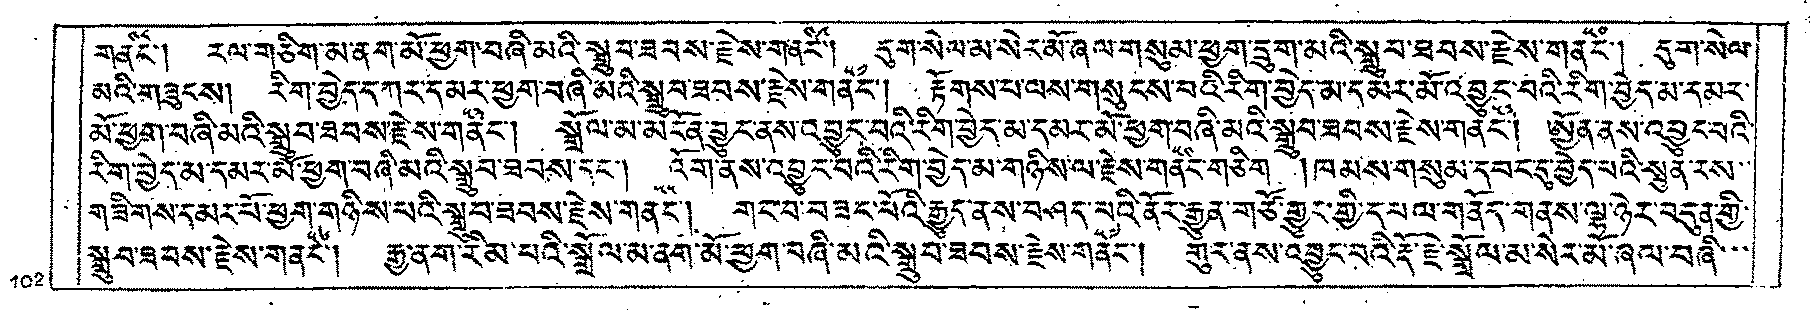གནང ༤༨། རལ་གཅིག་མ་ནག་མོ་ཕྱག་བཞི་མའི་སྒྲུབ་ཐབས་རྗེས་གནང ༤༩། དུག་སེལ་མ་སེར་མོ་ཞལ་གསུམ་ཕྱག་དྲུག་མའི་སྒྲུབ་ཐབས་རྗེས་གནང ༥༠། དུག་སེལ་
མའི་གཟུངས། རིག་བྱེད་དཀར་དམར་ཕྱག་བཞི་མའི་སྒྲུབ་ཐབས་རྗེས་གནང ༥༡། རྟོགས་པ་ལས་གསུངས་པའི་རིག་བྱེད་མ་དམར་མོ་འབྱུང་བའི་རིག་བྱེད་མ་དམར་
མོ་ཕྱག་བཞི་མའི་སྒྲུབ་ཐབས་རྗེས་གནང ༥༢། སྒྲོལ་མ་མངོན་འབྱུང་ནས་འབྱུང་བའི་རིག་བྱེད་མ་དམར་མོ་ཕྱག་བཞི་མའི་སྒྲུབ་ཐབས་རྗེས་གནང ༥༣། ཨཡོན་ནས་འབྱུང་བའི་
རིག་བྱེད་མ་དམར་མོ་ཕྱག་བཞི་མའི་སྒྲུབ་ཐབས་དང་། འོག་ནས་འབྱུང་བའི་རིག་བྱེད་མ་གཉིས་ལ་རྗེས་གནང ༥༤་གཅིག །ཁམས་གསུམ་དབང་དུ་བྱེད་པའི་སྤྱན་རས་
གཟིགས་དམར་པོ་ཕྱག་གཉིས་པའི་སྒྲུབ་ཐབས་རྗེས་གནང ༥༥། གང་བ་བཟང་པོའི་རྒྱུད་ནས་བཤད་པའི་ནོར་རྒྱུན་གཙོ་གྱུར་གྱི་དཔལ་གནོད་གནས་ལྷ་ཉེར་བདུན་གྱི་
སྒྲུབ་ཐབས་རྗེས་གནང ༥༦། རྒྱ་ནག་རིམ་པའི་སྒྲོལ་མ་ནག་མོ་ཕྱག་བཞི་མའི་སྒྲུབ་ཐབས་རྗེས་གནང ༥༧། གུར་ནས་འབྱུང་བའི་རྡོ་རྗེ་སྒྲོལ་མ་སེར་མོ་ཞལ་བཞི་